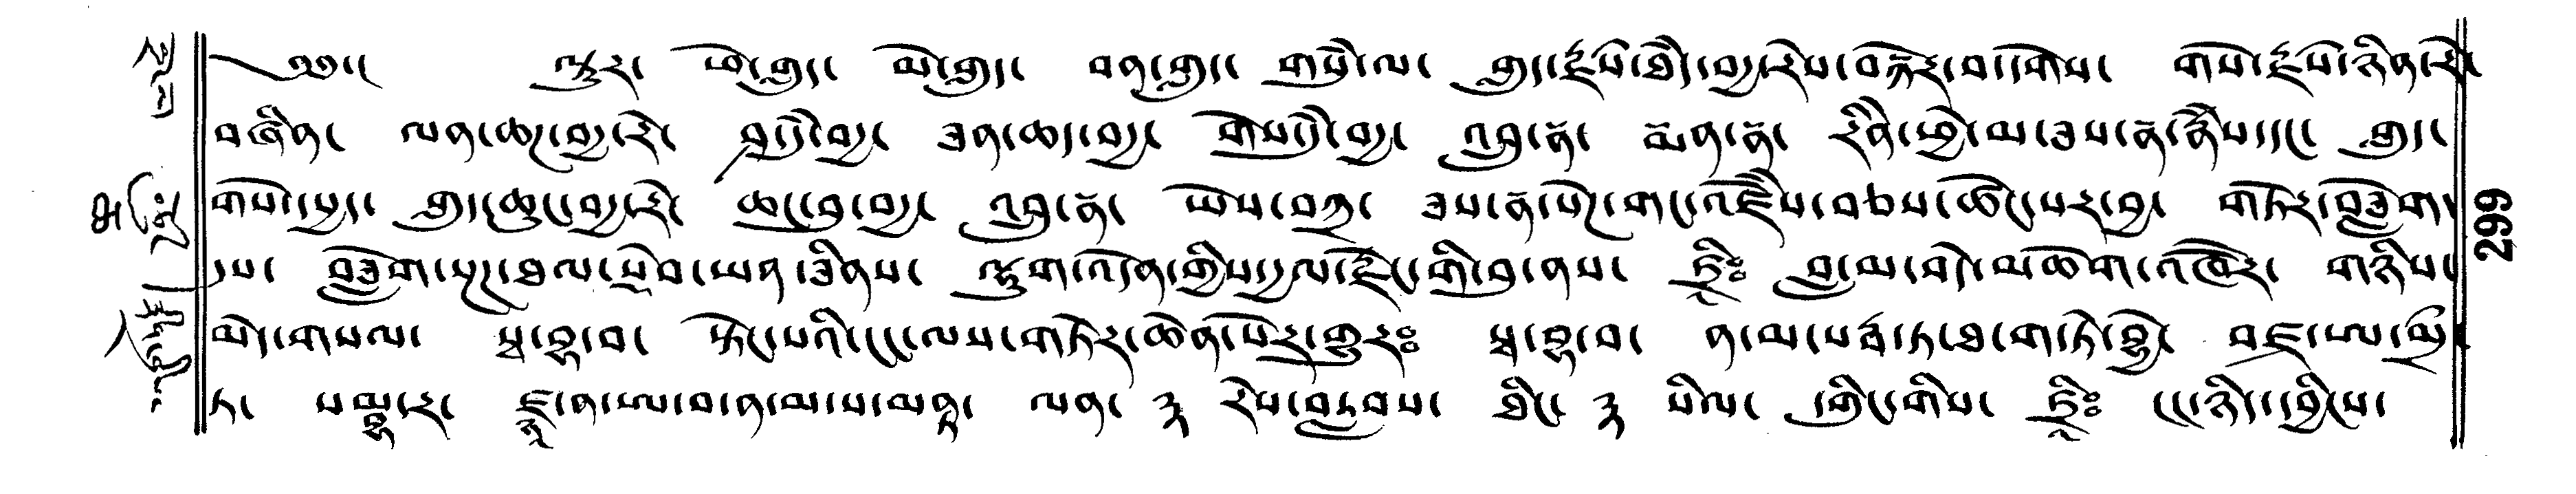ལྟ་བུར། ཕོ་གླུད། མོ་གླུད། བན་གླུད་གསུམ་ལ། གླུད་རྫས་ཐམས་ཅད་བརྒྱ་རེས་བསྐོར་བ་དགོས། གསོ་རྫས་ཉིན་རེ་
བཞིན། ལན་ཆགས་བརྒྱ། ཤ་དུམ་བརྒྱ། ཟན་ཆད་བརྒྱ། གོས་དུམ་བརྒྱ། འབྲུ་སྣ། སྨན་སྣ། རིན་ཆེན་ཕྱེ་མ། ཟས་སྣ་རྣམས་དང་། གླུད་
གསོ་དཔྱད་གླུད་ཆུང་བརྒྱ་རེ། ཆང་བུ་བརྒྱ། འབྲུ་སྣ། ཡོས་བཀྲ། ཟས་སྣ་སོགས་གང་འཇོམས་བཅས་ཚོགས་པར་བྱ། གཏོར་བཟློག་
དུས། བཟློག་སྔགས་ཐལ་བརྡེབ་ཡན་ཟིན་ནས། ལྷུག་འདོན་གྱིས་རྒྱལ་རྗོང་གི་དབུ་ནས། ཧྲཱིཿ བླ་མ་བདེ་མཆོག་འཁོར་ལོ༴ གཉིས་
མེད་གསལ། སྭ་བྷ་ཝ༴ སྟོང་པའི་ངང་ལས༴ གཏེར་ཆེན་པོར་གྱུར། སྭ་བྷ་ཝ༴ ན་མ་སརྦ་ཏ་ཐ་ག་ཏེ་བྷྱོ༴ བཛྲ་ཨ་མྲྀ་
ཏ༴ སམྦྷ་ར༴ ཛྙཱ་ན་ཨ་བ་ན་མ་ས་མནྟ༴ ལན་གསུམ་རེས་བརླབ། ཐིང་གསུམ། སིལ། དགུ་ཐིང་གིས། ཧྲཱིཿ ངང་ཉིད་དབྱིངས་